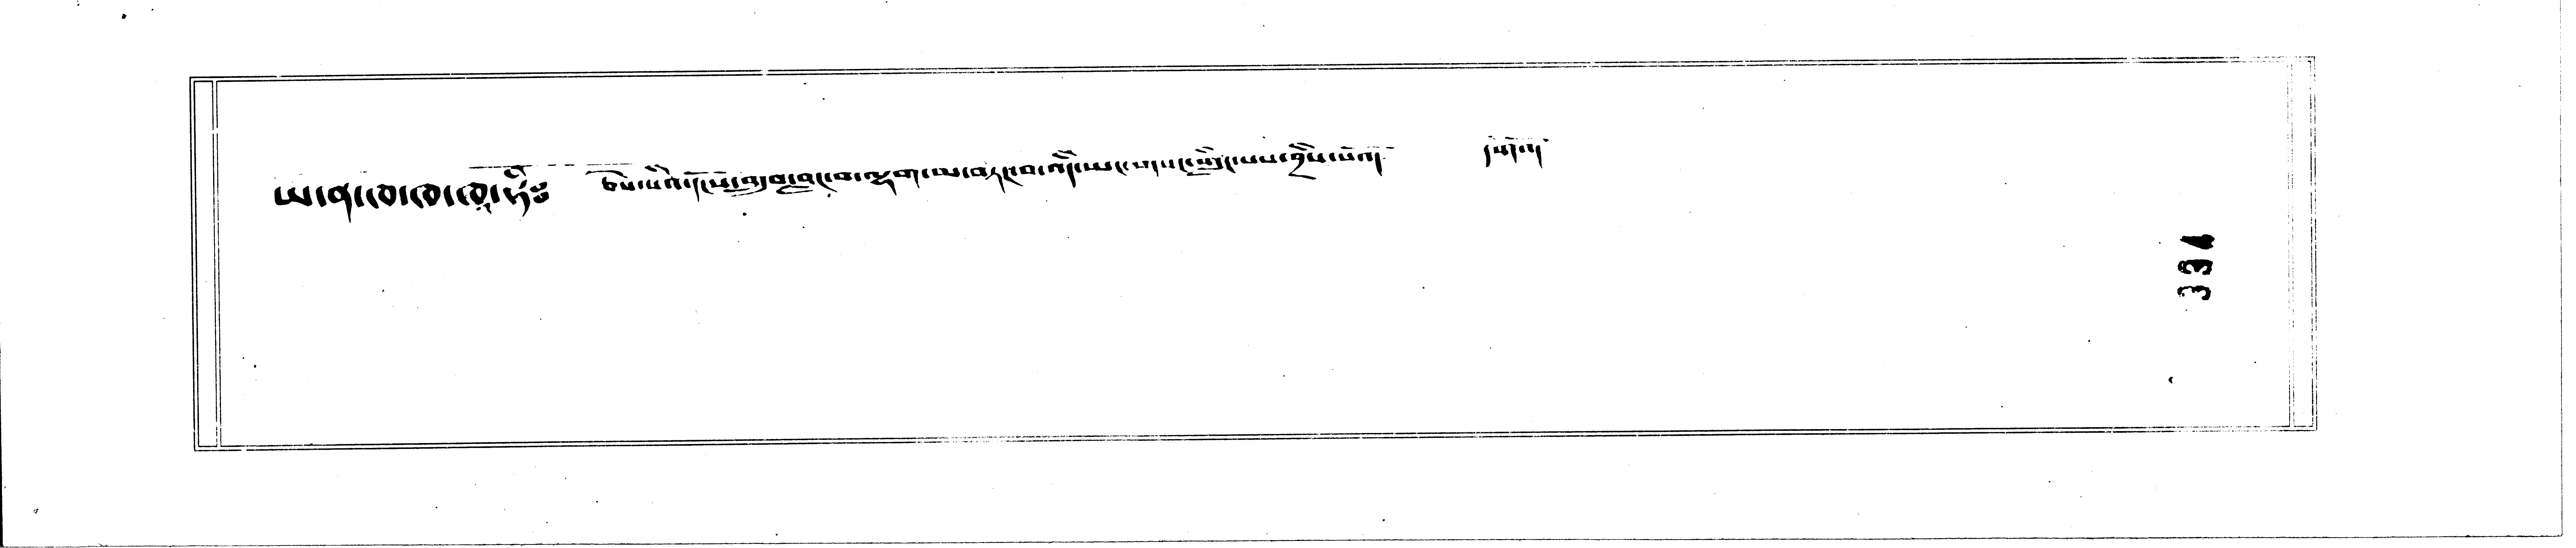ཡ་ན་ཁ་ཁ་ཁཱ་ཧི༔ ཅེས་པའི་དངོས་གྲུབ་བླང་བ་ལྷག་མ་བཏང་བ་འདི་ཡང་གསང་གླིང་པས་བྲིས་པའོ། དགེའོ།